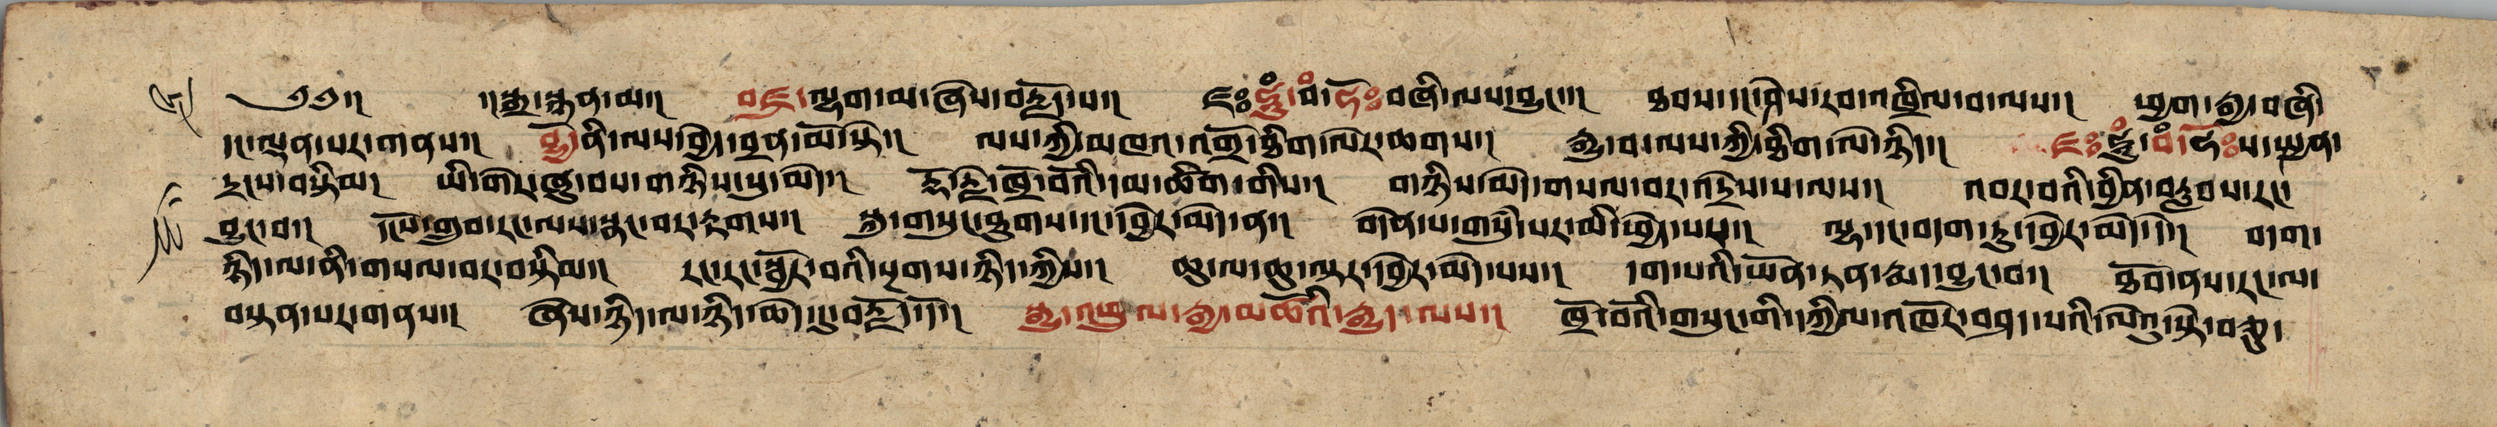༄༅་། ་།སྒྲ་སྙན་མ་། བཛྲ་ལྷག་མ་ཞེས་བརྗོད་པ་། ཛཿཧཱུཾ་བཾ་ཧོཿབཞི་ལས་བྱུང་་། ཐབས་དང་ཤེས་རབ་འཁྲིལ་བ་ལས་། ཕྱག་རྒྱ་བཞི་
དང་ལྡན་པར་གནས་། བྷྱོ་ནི་ལས་བྱེད་བྲན་མོ་སྟེ་། ལས་ཀྱི་མཁའ་འགྲོ་ཐིག་ལེར་ཆགས་། རྒྱུ་བ་ལས་ཀྱི་ཐིག་ལེ་ཉིད་། ཛཿཧཱུཾ་བཾ་ཧོཿས་སྤྱན་
དྲངས་བསྟིམ། ཡི་གེར་ཞུ་བས་གཉིས་སུ་མེད་། རྡོ་རྗེ་ཁྲོ་བོའི་དམ་ཚིག་གིས་། གཉིས་མེད་གསལ་བར་འདྲེས་པ་ལས་། འབར་བའི་བྱིན་བརླབས་རང་
བྱུང་བ་། དངོས་གྲུབ་རང་ལས་སྣང་བར་རྟགས་། སྐུ་གསུང་ཐུགས་དང་དབྱེར་མེད་ན་། བདེན་པ་གསུཾ་པར་མི་ཕྱེད་པས་། ལྷ་དང་བདག་ཏུ་དབྱེར་མེད་དེ་། བདག་
ཉིད་ལ་ནི་གསལ་བར་བསྟིམ་། རང་རང་སྦྱོར་བའི་སྔགས་ཉིད་ཀྱིས་། ཆུ་ལ་ཆུ་ལྟར་དབྱེར་མེ་པས་། དག་པའི་ཡོན་ཏན་རྨད་བྱུང་བ་། ཐོབ་ནས་རང་ལ་
བསྟན་པར་གནས་། ཞེས་ཉིད་ལ་ཉིད་ཆེད་དུ་བརྗོད་དོ་། སྒྱུ་འཕྲུལ་རྒྱ་མཚོའི་རྒྱུད་ལས་། ཁྲོ་བོའི་གསུང་གི་དཀྱིལ་འཁོར་བཤད་པའི་ལེའུ་སྟེ་བཅུ་